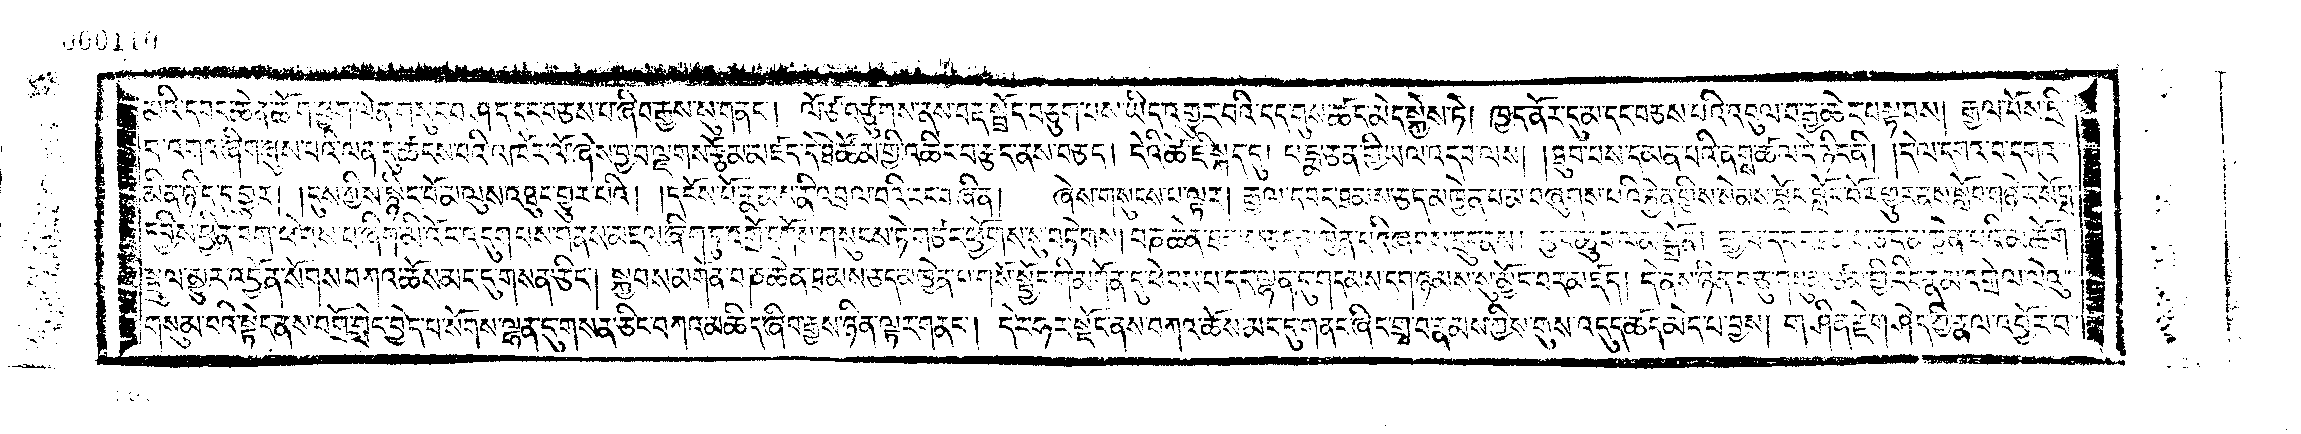མའི་དབང་ཆེན་ཆོ་ག་ཕྱག་ལེན་གསུང་བཤད་དང་བཅས་པ་ཞིབ་རྒྱས་སུ་གནང་། ལོ་ཙ་བཙུགས་ནས་བརྡ་སྤྲོད་བ་ཅུག་པས་ཡིད་འགྱུར་བའི་དད་གུས་ཚད་མེད་སྐྱེས་ཏེ། ཁྱད་ནོར་དུ་མ་དང་བཅས་པའི་འབུལ་བ་རྒྱ་ཆེར་བསྟབས། རྒྱལ་པོས་དྲི་
བ་འགའ་ཞིག་ཞུས་པའི་ལན་དུ་ཚངས་པའི་འཁོར་ལོ་ཞེས་བྱ་བ་ལྗགས་རྩོམ་མཛད་དེ་ཐེ་ཚོམ་གྱི་འཆིང་བ་རྩད་ནས་བཅད། དེའི་ཚེ་ཇི་སྐད་དུ། པདམ་ཅན་གྱི་ཡལ་འདབ་ལས། །ཐུབ་པས་དམན་པའི་ནགས་ཚལ་དེ་ཉིད་ནི། །དེ་ལ་དགའ་བ་དགའ་
མིན་ཉིད་དུ་གྱུར། །དུས་ཀྱིས་སྙིང་པོ་མ་ལུས་འཐུང་གྱུར་པའི། །དངོས་པོ་རྣམས་ནི་འབྲལ་བའི་རང་བཞིན། ཞེས་གསུངས་པ་ལྟར། རྒྱལ་དབང་ཐམས་ཅད་མཁྱེན་པ་མ་བཞུགས་པའི་རྐྱེན་གྱིས་སེམས་བློང་བློང་པོར་གྱུར་ནས་སློབ་གཉེར་སོགས་
དཔྱིས་ཕྱིན་བག་ཕེབས་པ་ཞིག་མི་འོང་འདུག་པས་གནས་མཇལ་ཞིག་ཏུ་འགྲོ་དགོས་གསུངས་ཏེ་གཙང་ཕྱོགས་སུ་བཏེགས། པཎ་ཆེན་ཐམས་ཅད་མཁྱེན་པའི་ཞབས་དྲུང་ནས། བྱང་ཆུབ་ལམ་སྒྲོན། རྒྱལ་དབང་ཐམས་ཅད་མཁྱེན་པའི་མཆོག་
སྤྲུལ་མྱུར་འབྱོན་སོགས་བཀའ་ཆོས་མང་དུ་གསན་ཅིང་། སྐྱབས་མགོན་པཎ་ཆེན་ཐམས་ཅད་མཁྱེན་བ་གསོ་སྦྱོང་གི་མགོན་དུ་ཕེབས་པ་དང་ལྷན་དུ་གདམས་ངག་ཉམས་སུ་མྱོང་བར་མཛད། དེ་ནས་ཉིན་བཅུ་གསུམ་ཙམ་གྱི་རིང་རྣམ་འགྲེལ་ལེའུ་
གསུམ་པའི་སྟེང་ནས་བགྲོ་གླེང་བྱེད་པ་སོགས་ལྷན་དུ་གསན་ཅིང་བཀའ་མཆིད་ཞིབ་རྒྱས་ཉིན་ལྟར་གནང་། དེར་ཧར་སྡོང་ནས་བཀའ་ཆོས་མང་དུ་གནང་ཞིང་གྲྭ་བ་རྣམས་ཀྱིས་གུས་འདུད་ཚད་མེད་པ་བྱས། གཤིན་རྗེ་གཤེད་ཀྱི་རྣལ་འབྱོར་བ་